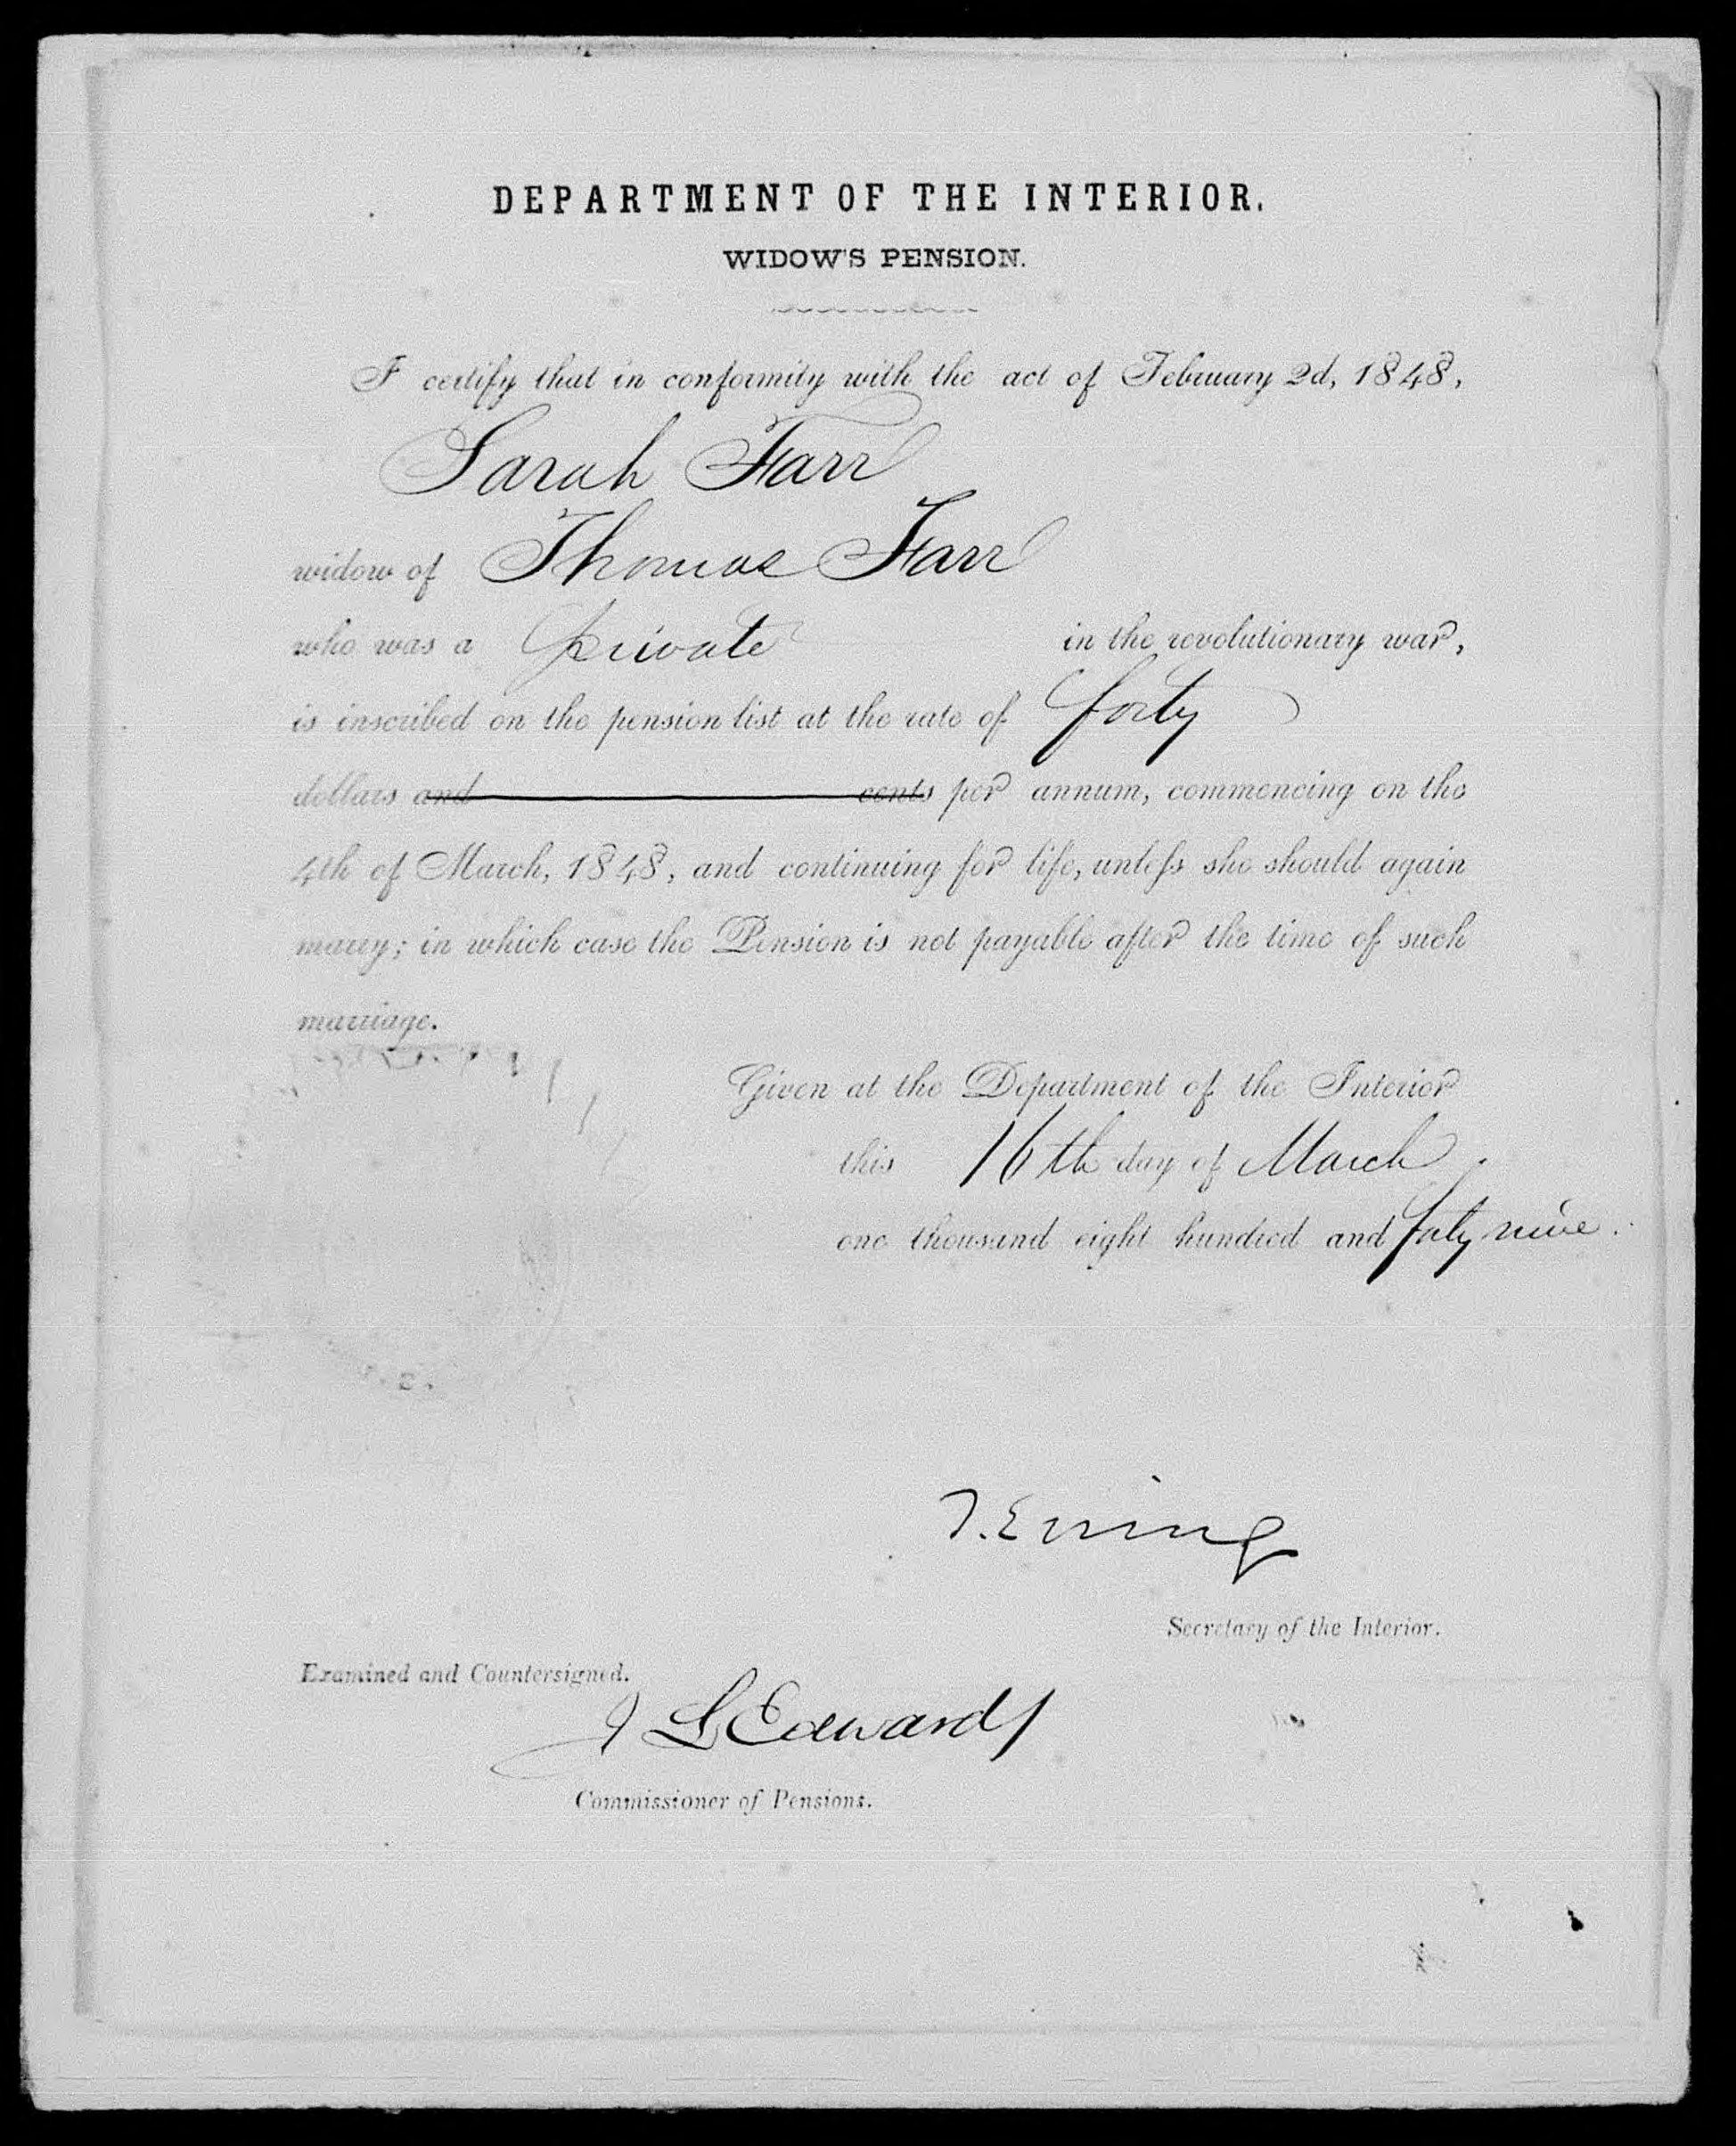DEPARTMENT OF THE INTERIOR.
WIDOW'S PENSION.

I certify that in conformity with the act of February 2d, 1848,
Sarah Farr
widow of Thomas Farr
who was a private in the revolutionary war,
is inscribed on the pension list at the rate of forty
dollars [and cents - crossed out] per annum, commencing on the
4th of March, 1848, and continuing for life, unless she should again
marry; in which case the Pension is not payable after the time of such
marriage.

[Seal on left]
Given at the Department of the Interior
this 16th day of March
one thousand eight hundred and forty nine.

T. Ewing
Secretary of the Interior.

Examined and Countersigned. 
J L Edwards
Commissioner of Pensions.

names: J L Edwards, Sarah Farr, Thomas Farr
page: 39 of 46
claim: widow's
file: W. 23022, Thomas Farr, N.H.